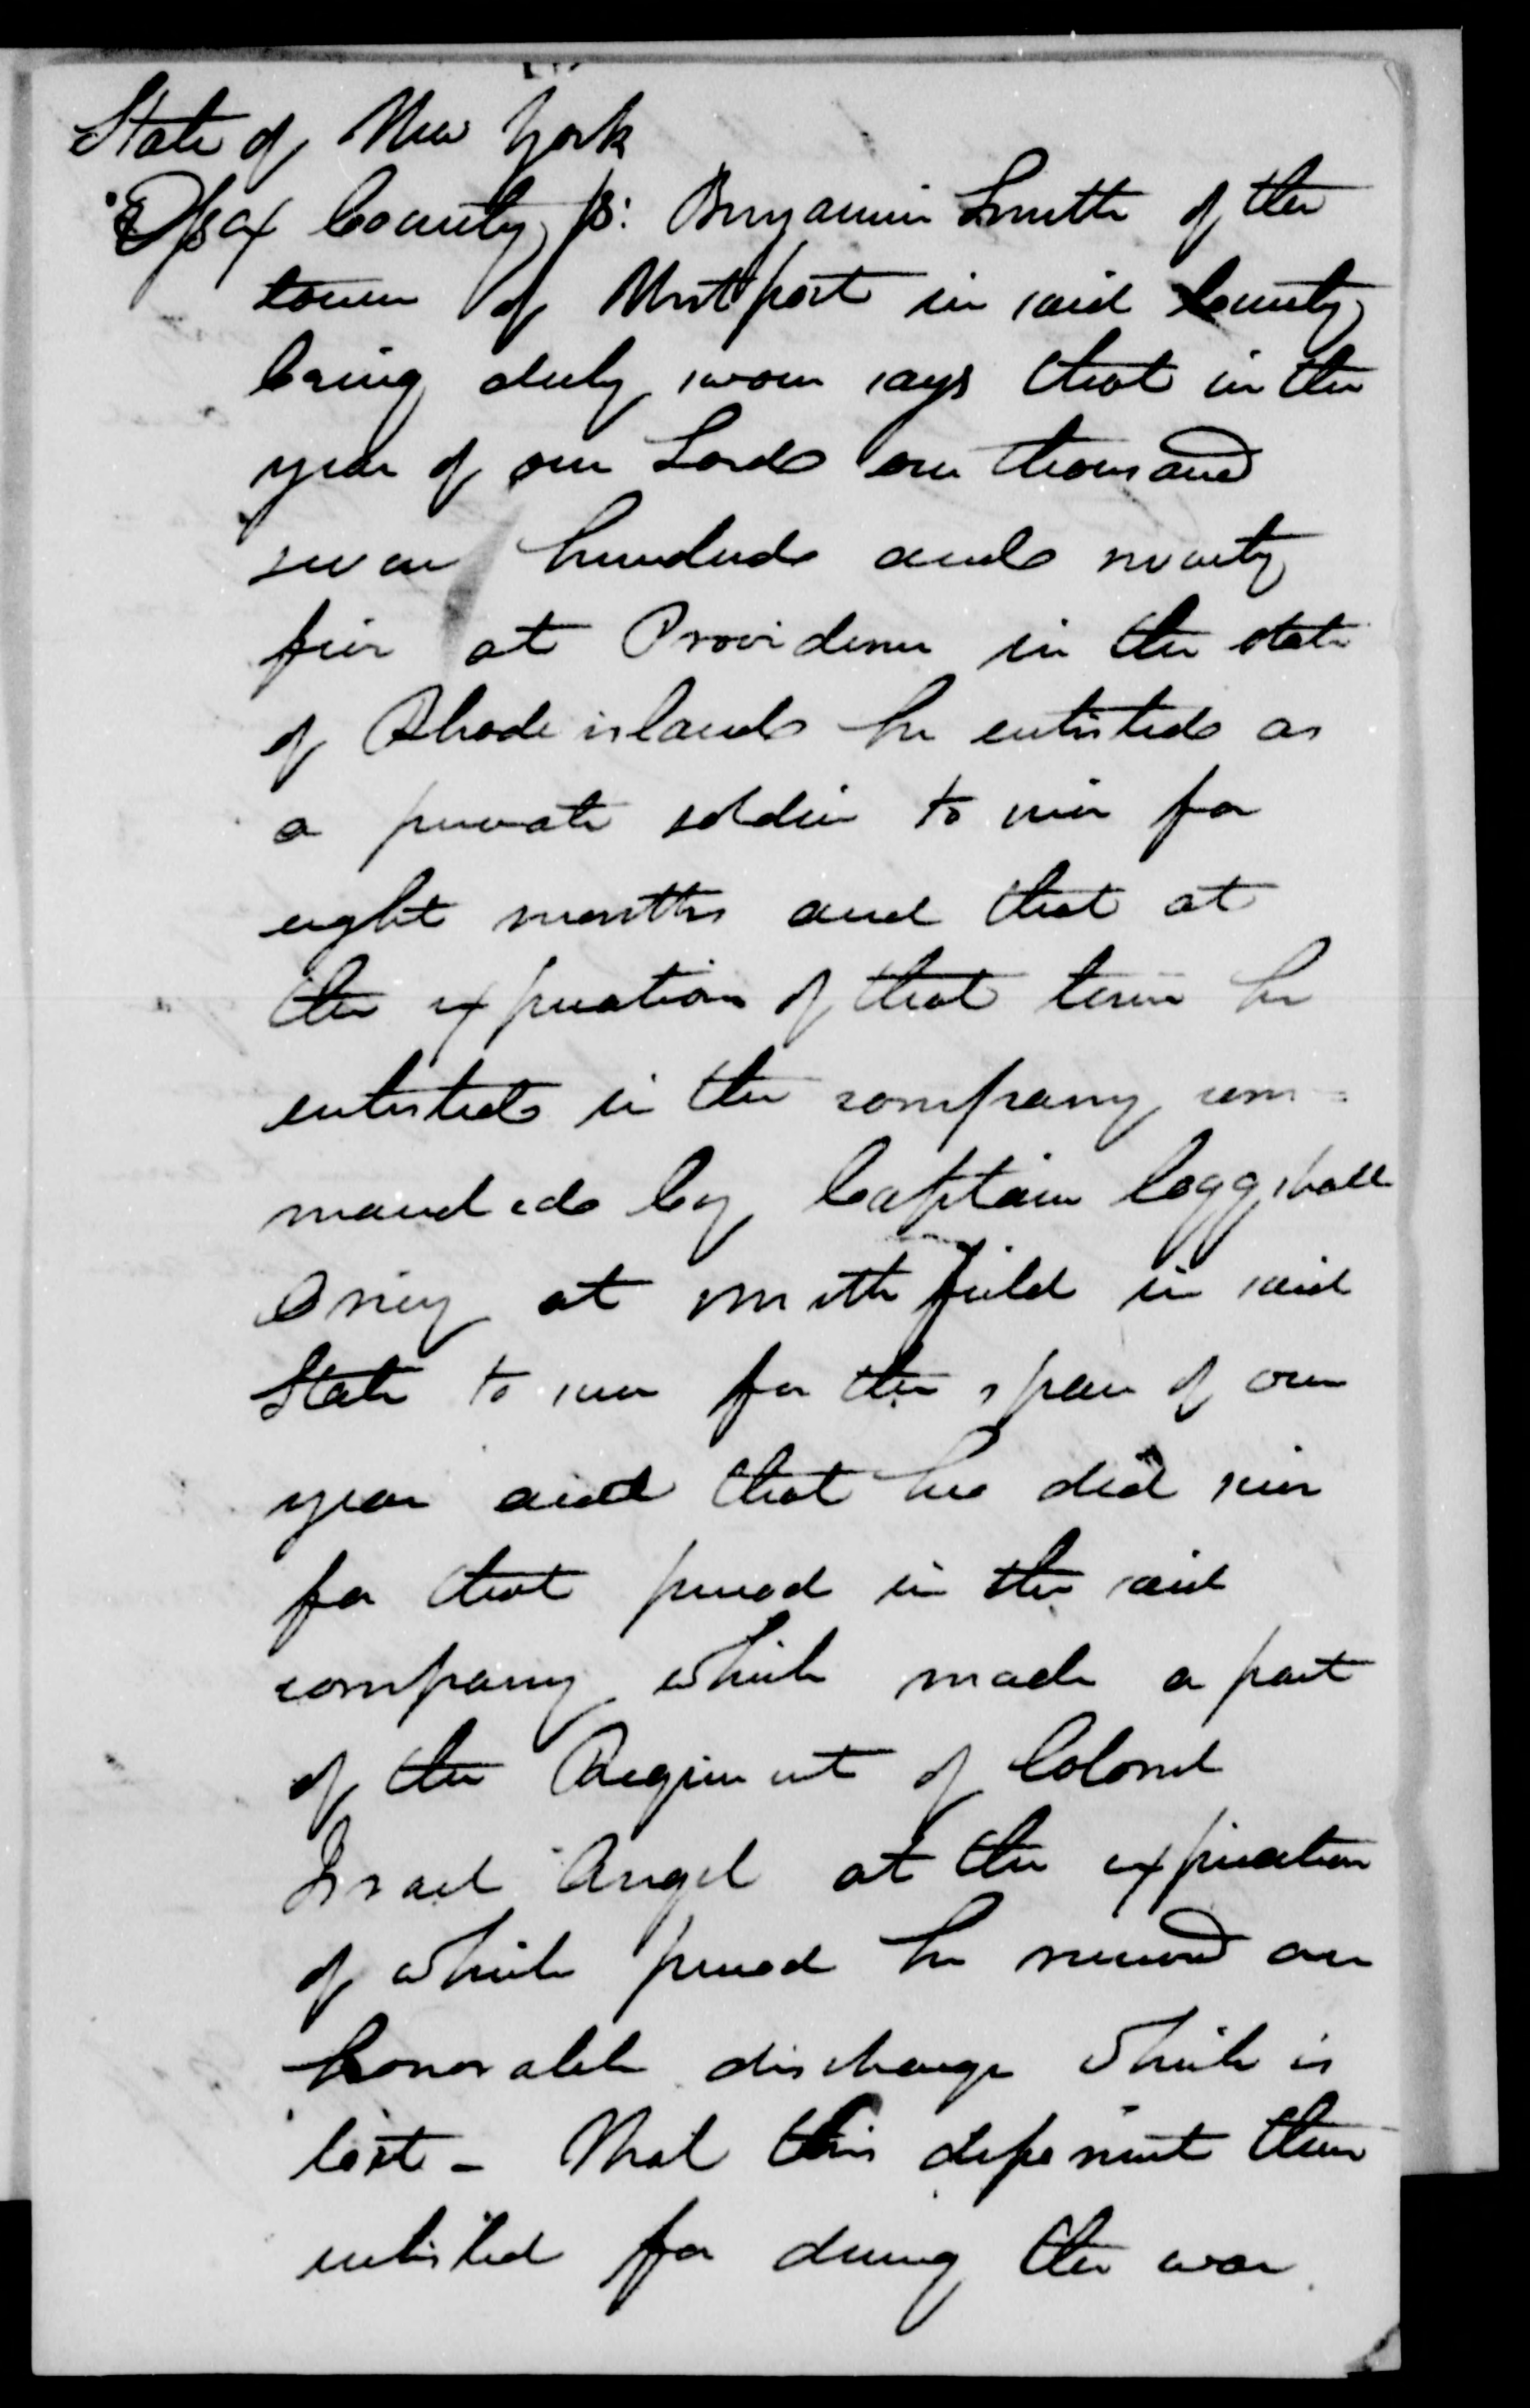State of New York Essex County ss:
Benjamin Smith of the town of Westport in said County being duly sworn says that in the year of our Lord one thousand seven hundred and ninety five at Providence in the State of Rhode Island he enlisted as a private soldier to win for eight months and that at the expiration of that time he enlisted in the company commanded by Captain Coggshall Oney at Smithfield in said State to serve for the span of one year and that he did serve for that period in the said company which made a part of the Regiment of Colonel Israel Angel at the expiration of which period he received an honorable discharge Since is lost - that this deponent then enlisted for during the war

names: Benjamin Smith; Israel Angel; [BLANK] Coggshall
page: 5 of 16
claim: survivor's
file: S. 42341, for Benjamin Smith, Rhode Island